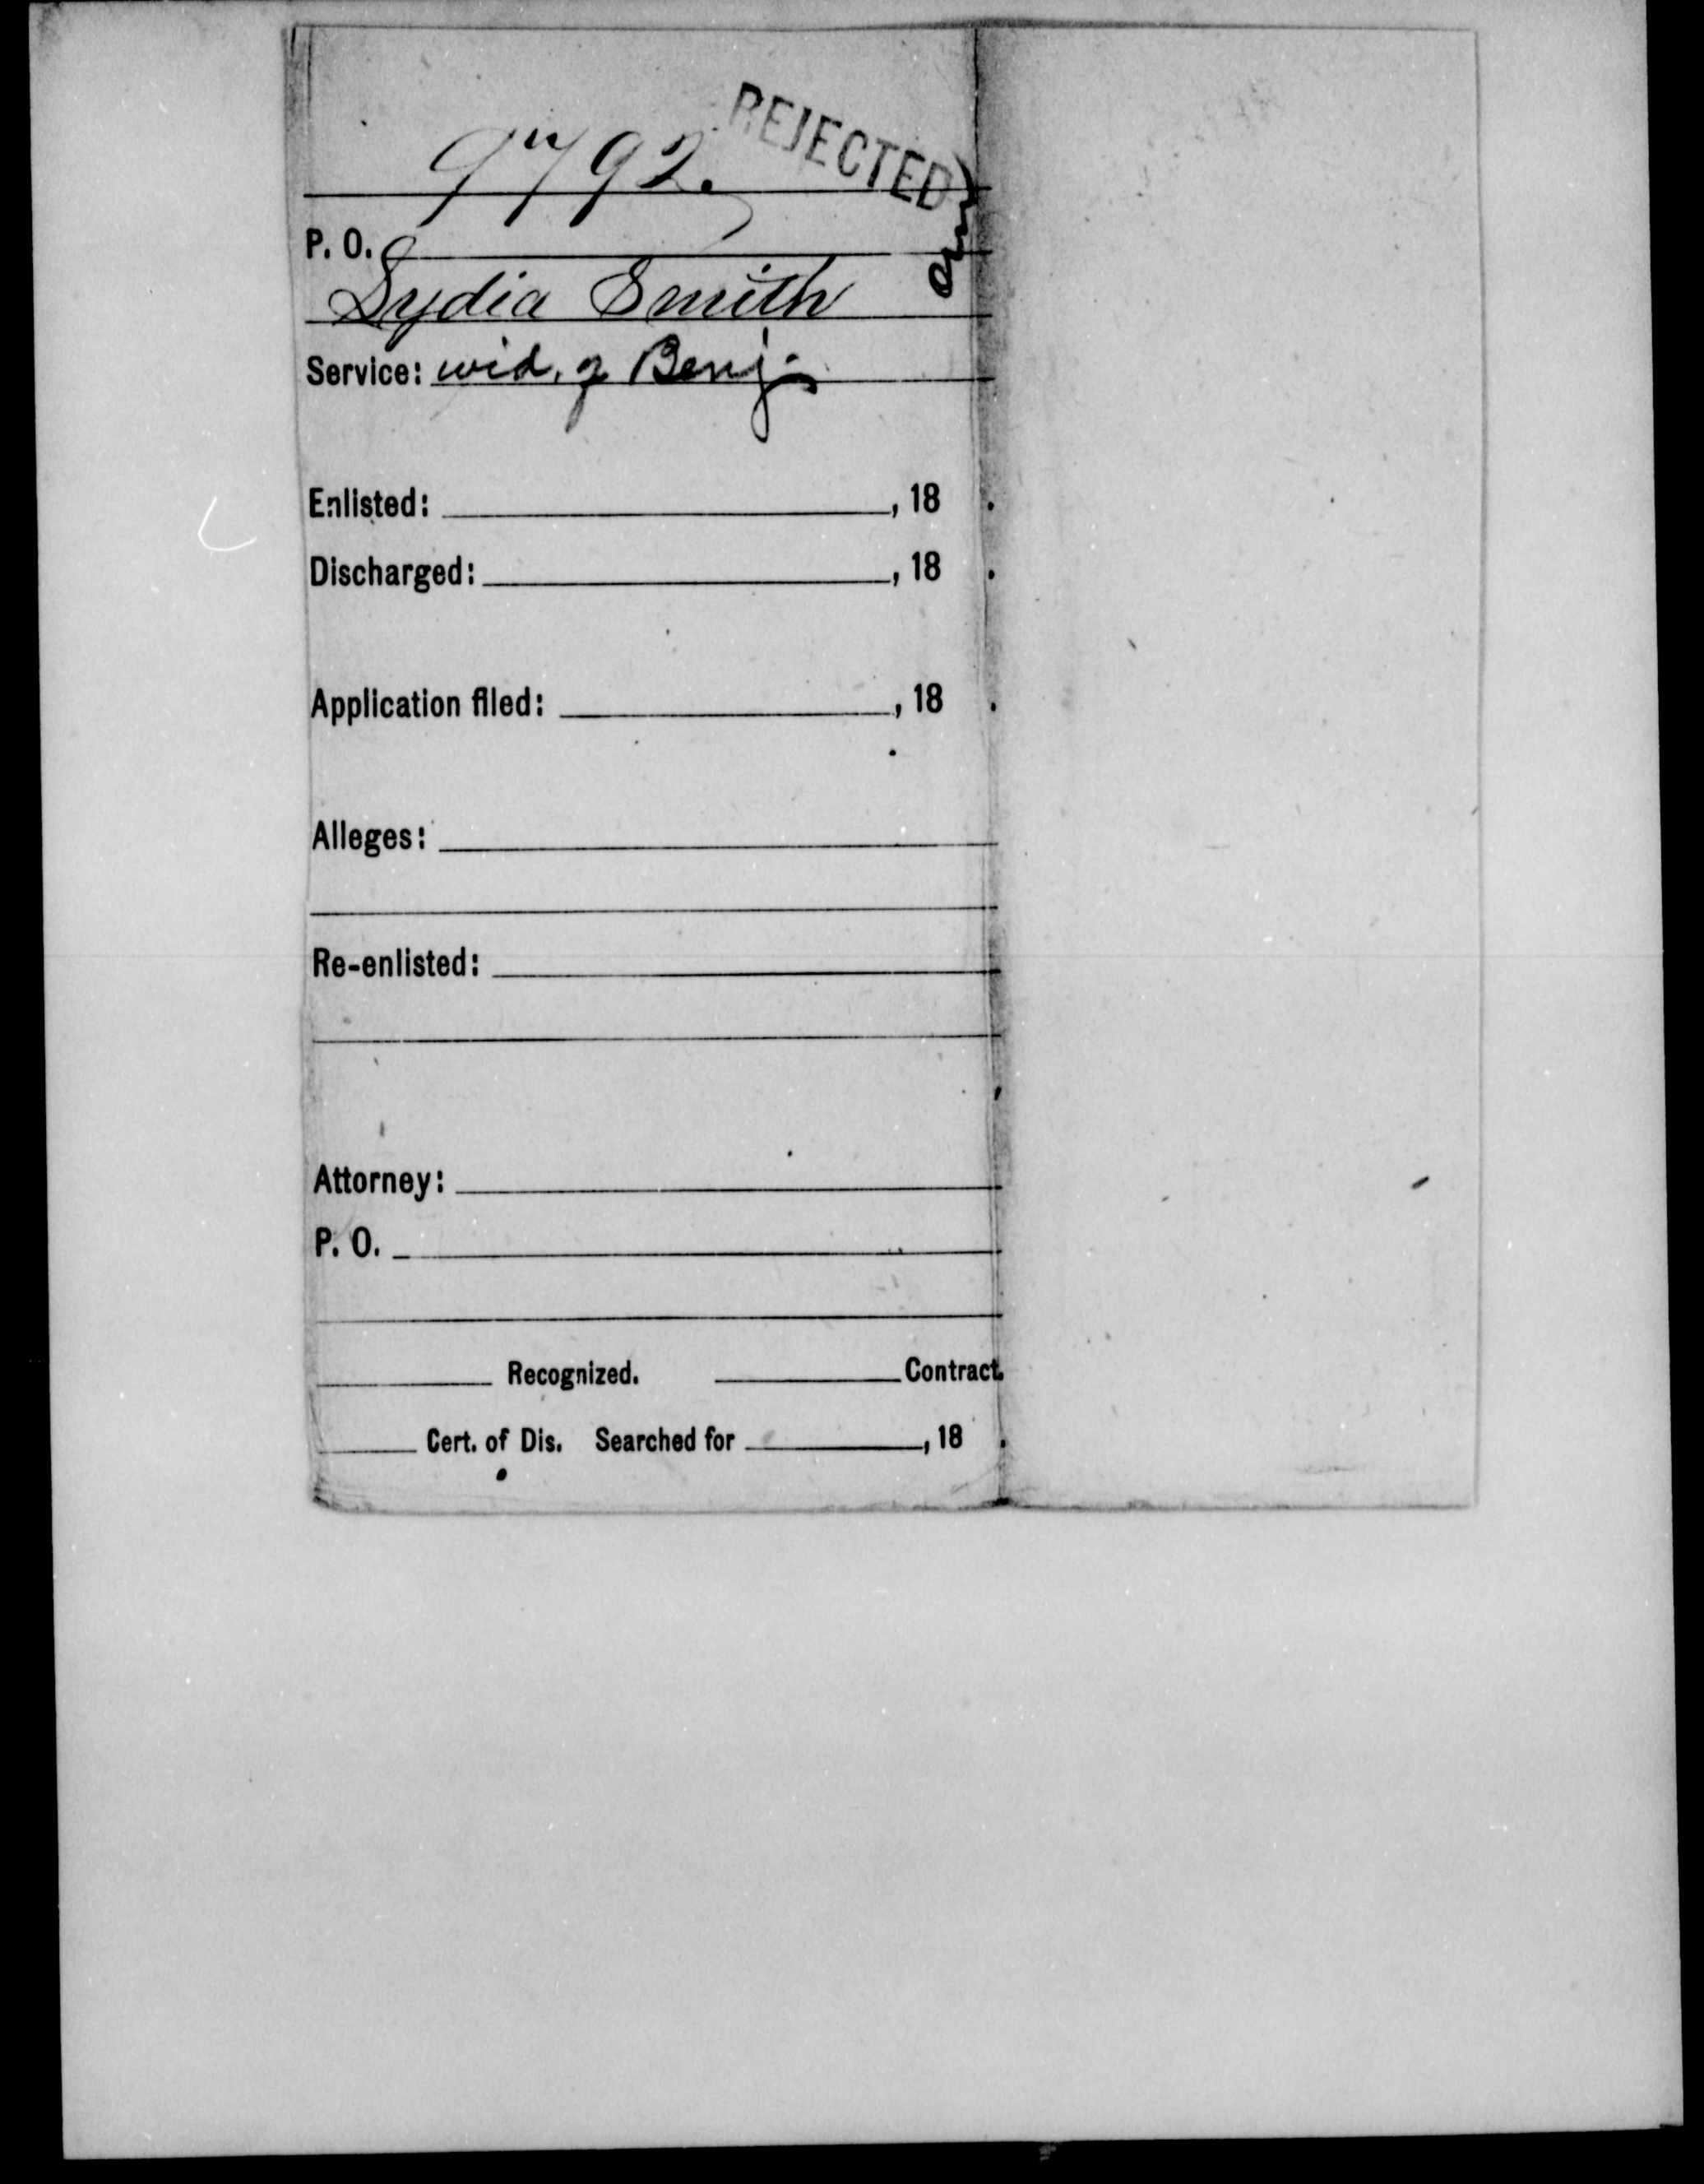91792.
P. O. REJECTED
Lydia Smith    aw
Service: wid. of Benj
Enlisted: , 18.
Discharged: , 18.
Application filed: , 18.
Alleges:
Re-enlisted:
Attorney:
P.O.
Recognized.
Contract
Cert. of Dis. Searched for 18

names: Lydia Smith; Benj [BLANK]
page: 19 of 19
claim: rejected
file: R 9792, for Benjamin Smith, Connecticut